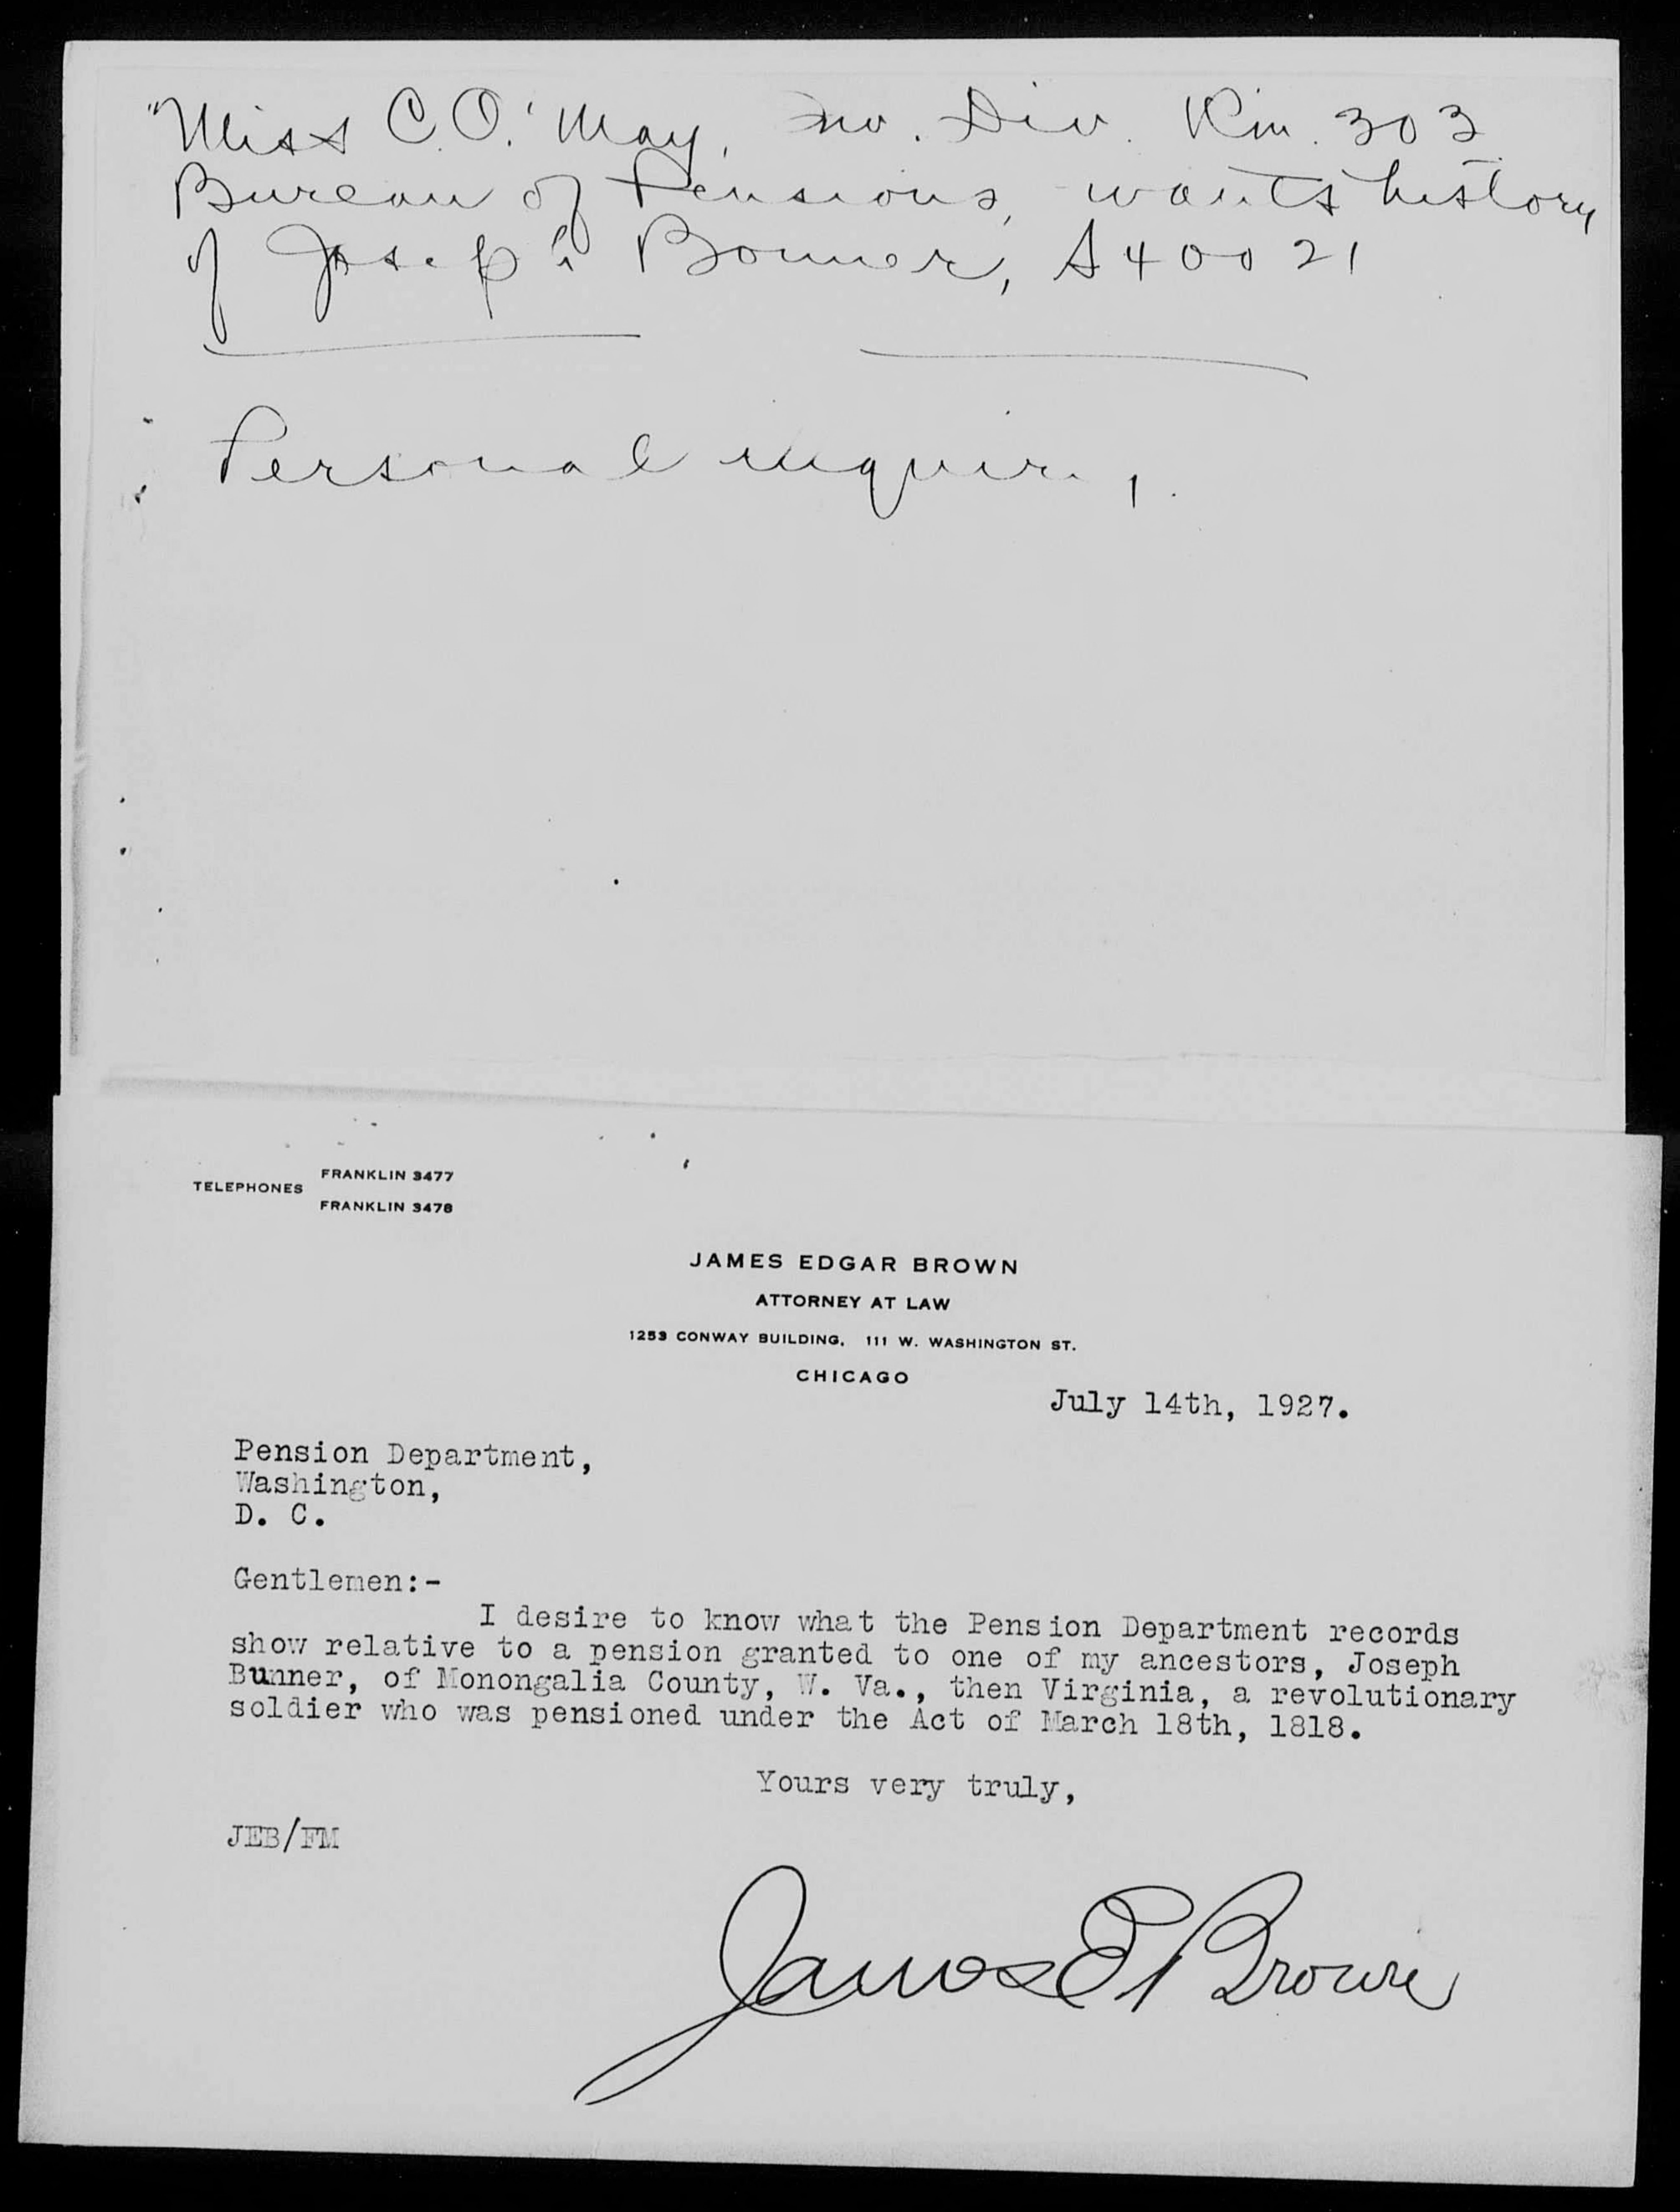Miss C. O. May, Inv. Div. Rm. 303
Bureau of Pensions, wants history
of Joseph Bonner, S40021

Personal enquiry

Telephone
Franklin 3477
Franklin 3478

JAMES EDGAR BROWN
ATTORNEY AT LAW
1253 CONWAY BUILDING, 111 W. WASHINGTON ST.
CHICAGO

July 14th, 1927

Pension Department,
Washington,
D. C.

Gentlemen:-
I desire to know what the Pension Department records show relative to a pension granted to one of my ancestors, Joseph Bunner, of Monongalia County, W. Va., then Virginia, a revolutionary soldier who was pensioned under the Act of March 18th, 1818.

Yours very truly,
James E Brown

JEB/FM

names: Joseph Bonner, Joseph Bunner, James E Brown, C O May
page: 11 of 20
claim: survivor's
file: S. 40,021, Joseph Bonner, Penn.